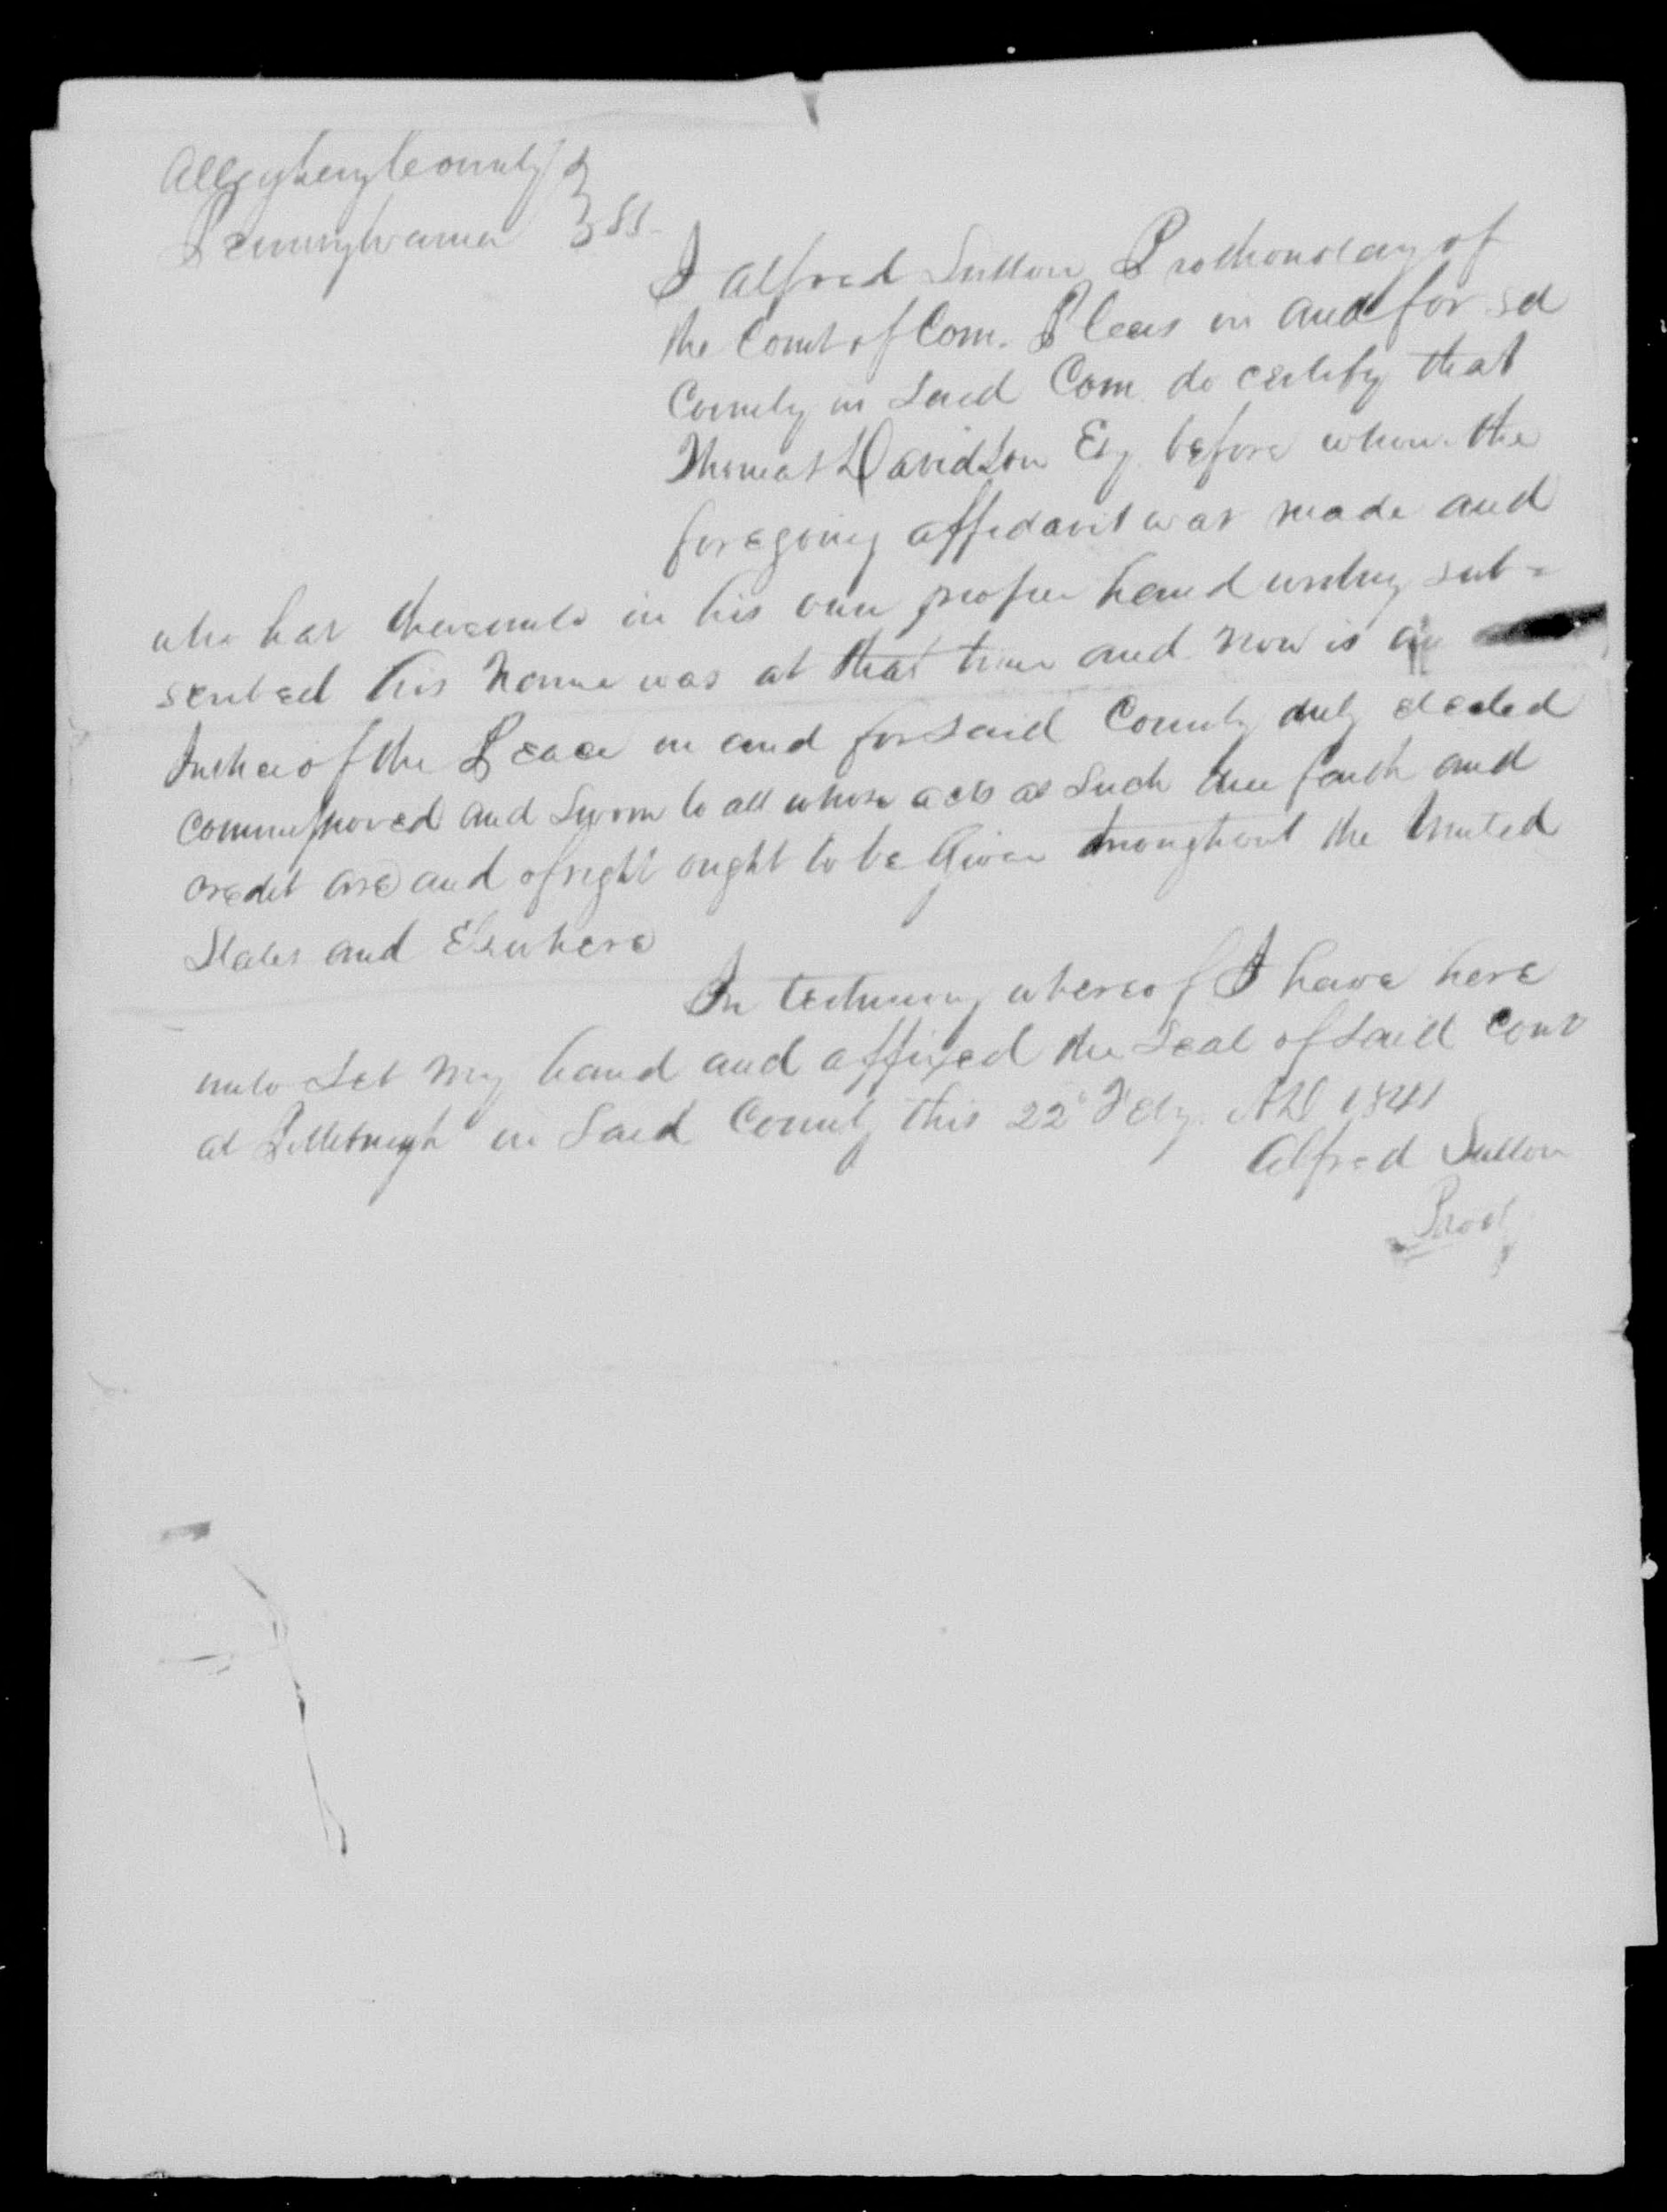Allegheny County Pennsylvania
I Alfred Sutton Prothonotary of the Court of Com. Pleas in and for said county in said Com. do certify that Thomas Davidson Esq before whom the foregoing affidavit was made and who has [illegible] in his own proper handwriting subscribed his name was at that time and now is a Justice of the Peace in and for said County duly elected commproved (?) and sworn to all who act as such are faith and credit are and of right ought to be given throughout the United States and Elsewhere.
In testimony whereof I have here unto set my hand and affixed my seal of said court at Pittsburgh in Said County this 22 [illegible] of 1841
Alfred Sutton 
Proth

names: Alfred Sutton, Alfred Sutton, Thomas Davison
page: 13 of 34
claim: rejected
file: R. 1371, Felix Brunot, Penn.